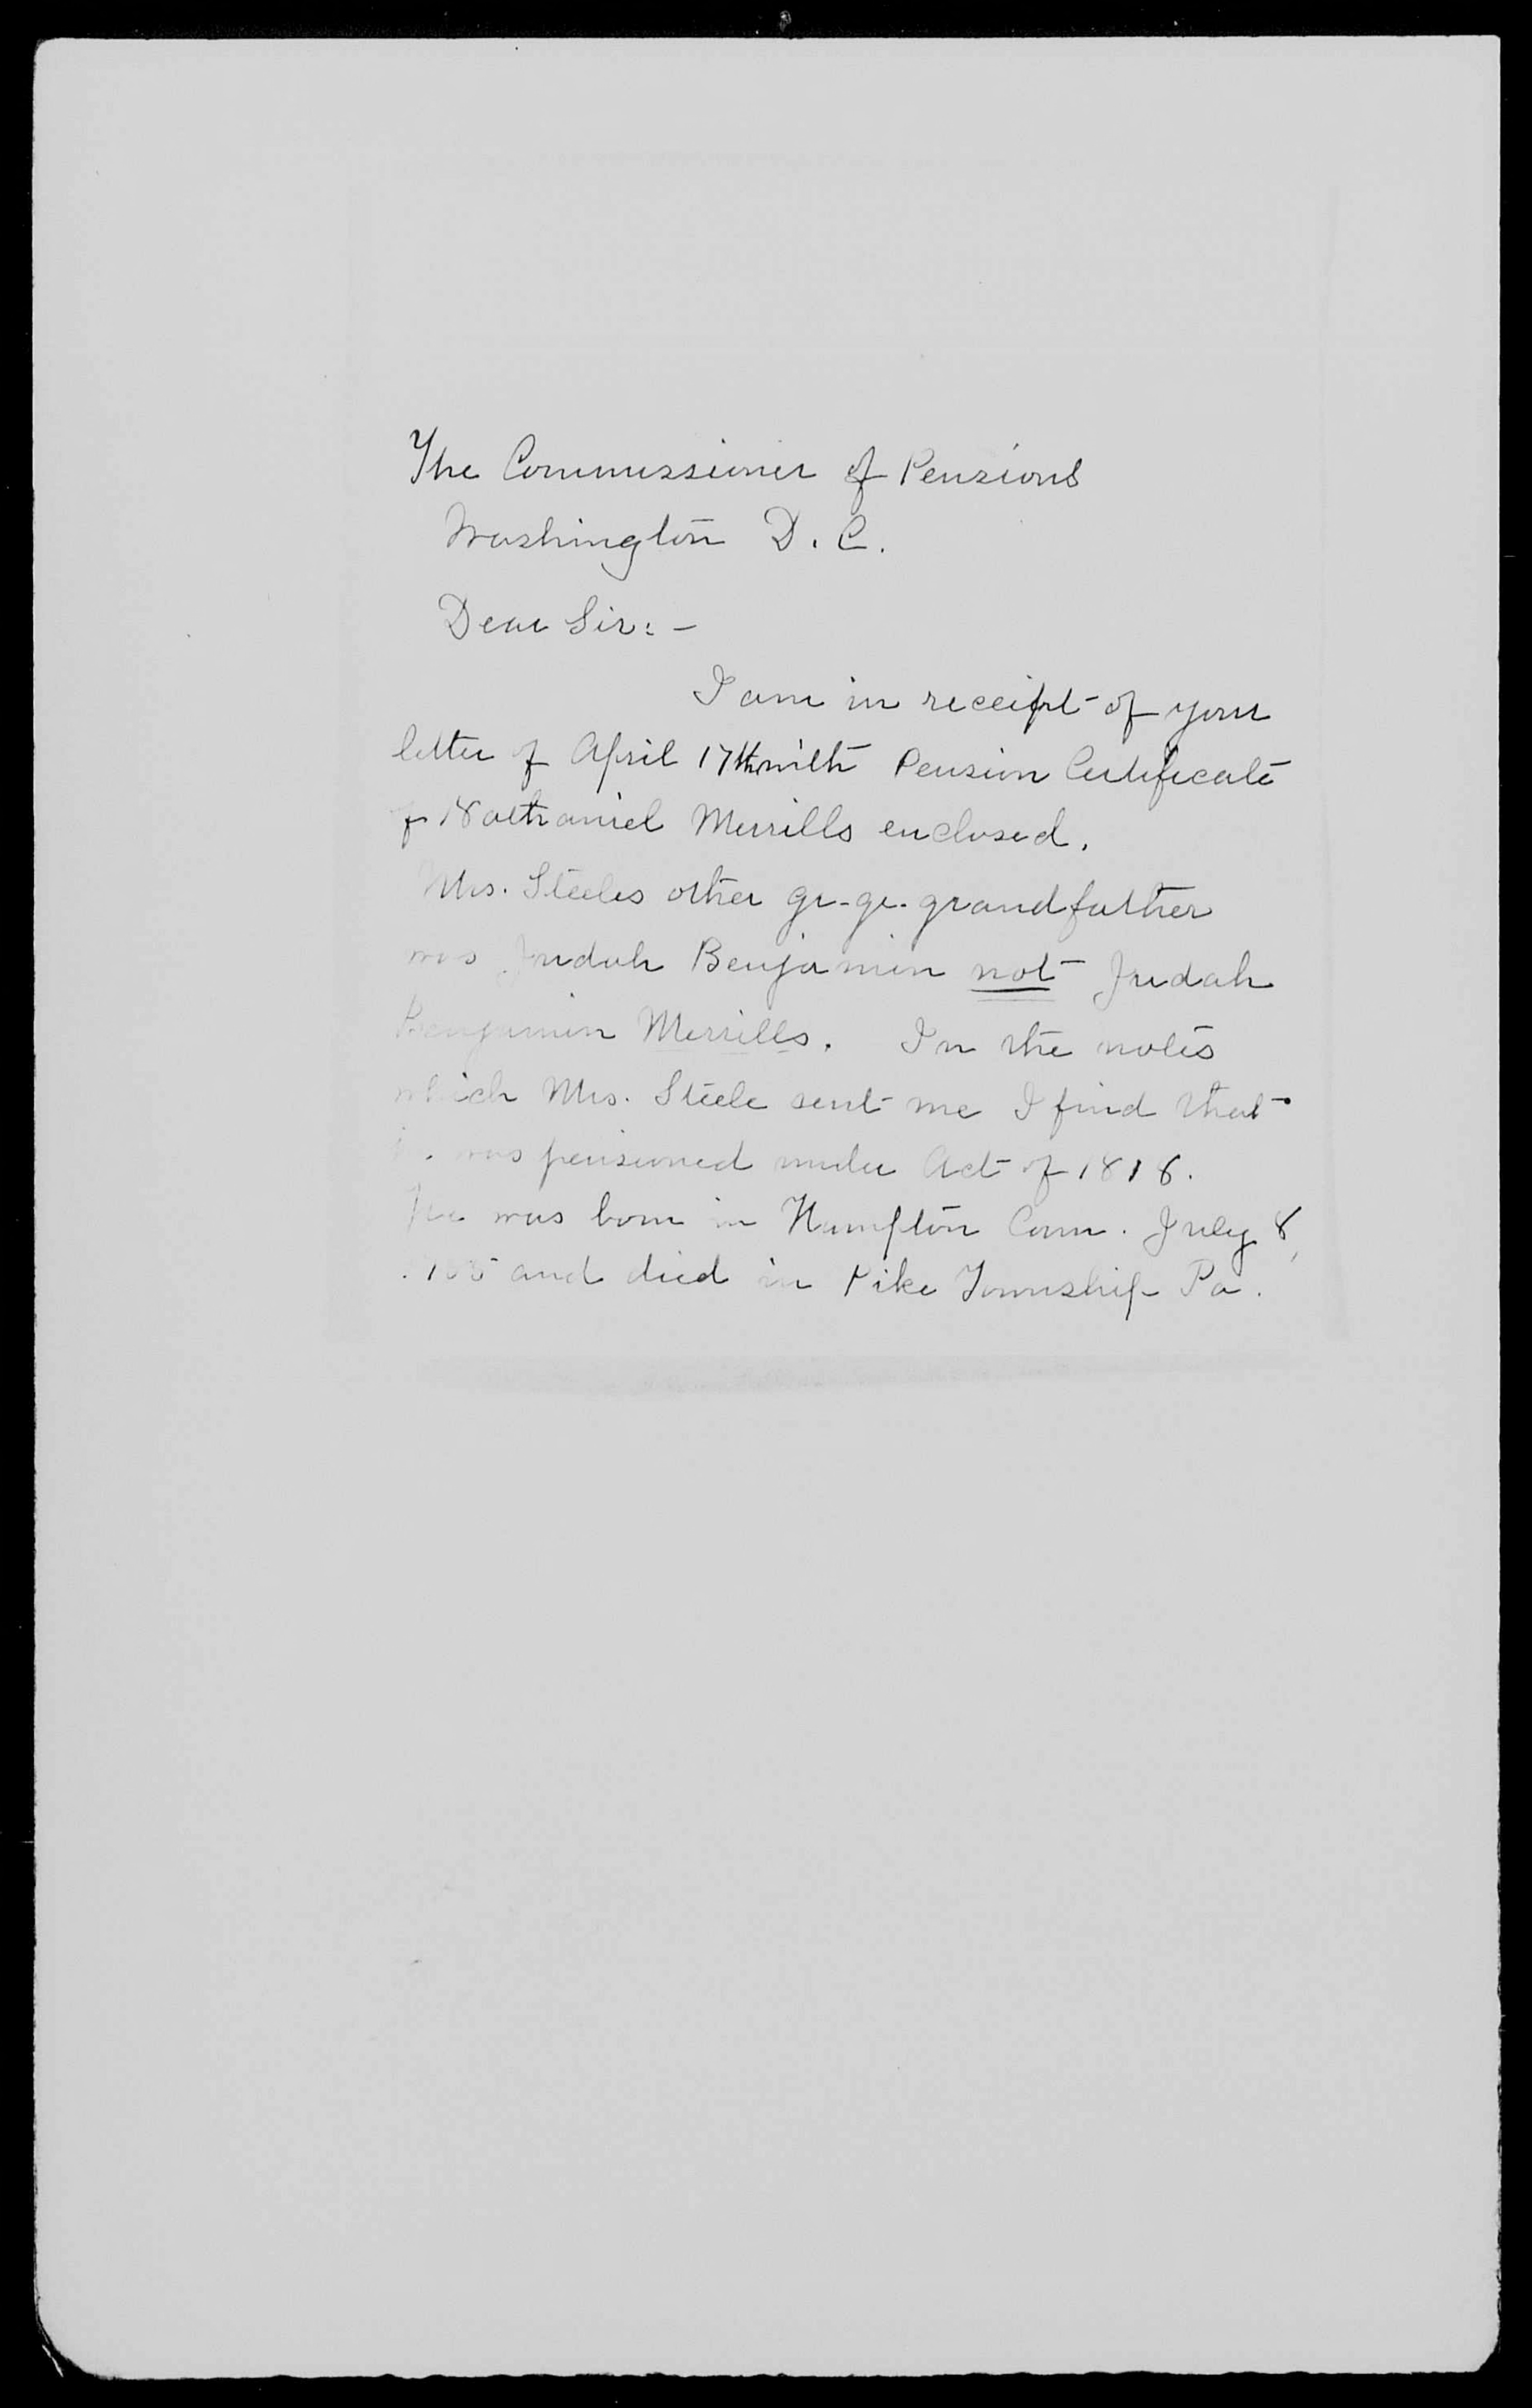The Commissioner of Pensions
Washington D.C
Dear Sir:-
I am in receipt of your letter of April 17th with Pension Certificate of Nathaniel Merrills enclosed.
Mrs. Steeles other gr.gr. grandfather was Judah Benjamin not Judah Benjamin Merrills,  In the notes which Mrs. Steele sent me I find that he was pensioned under Act of 1818.
He was born in Hampton Conn. July 8 [1755?] and died in Pike Township, Pa.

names: Merrills, Steeles, Steele, Nathaniel Merrills, Judah Benjamin, Judah Benjamin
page: 29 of 34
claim: survivor's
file: S. 39981, Judah Benjamin, Continental (N. H. And N. Y.)